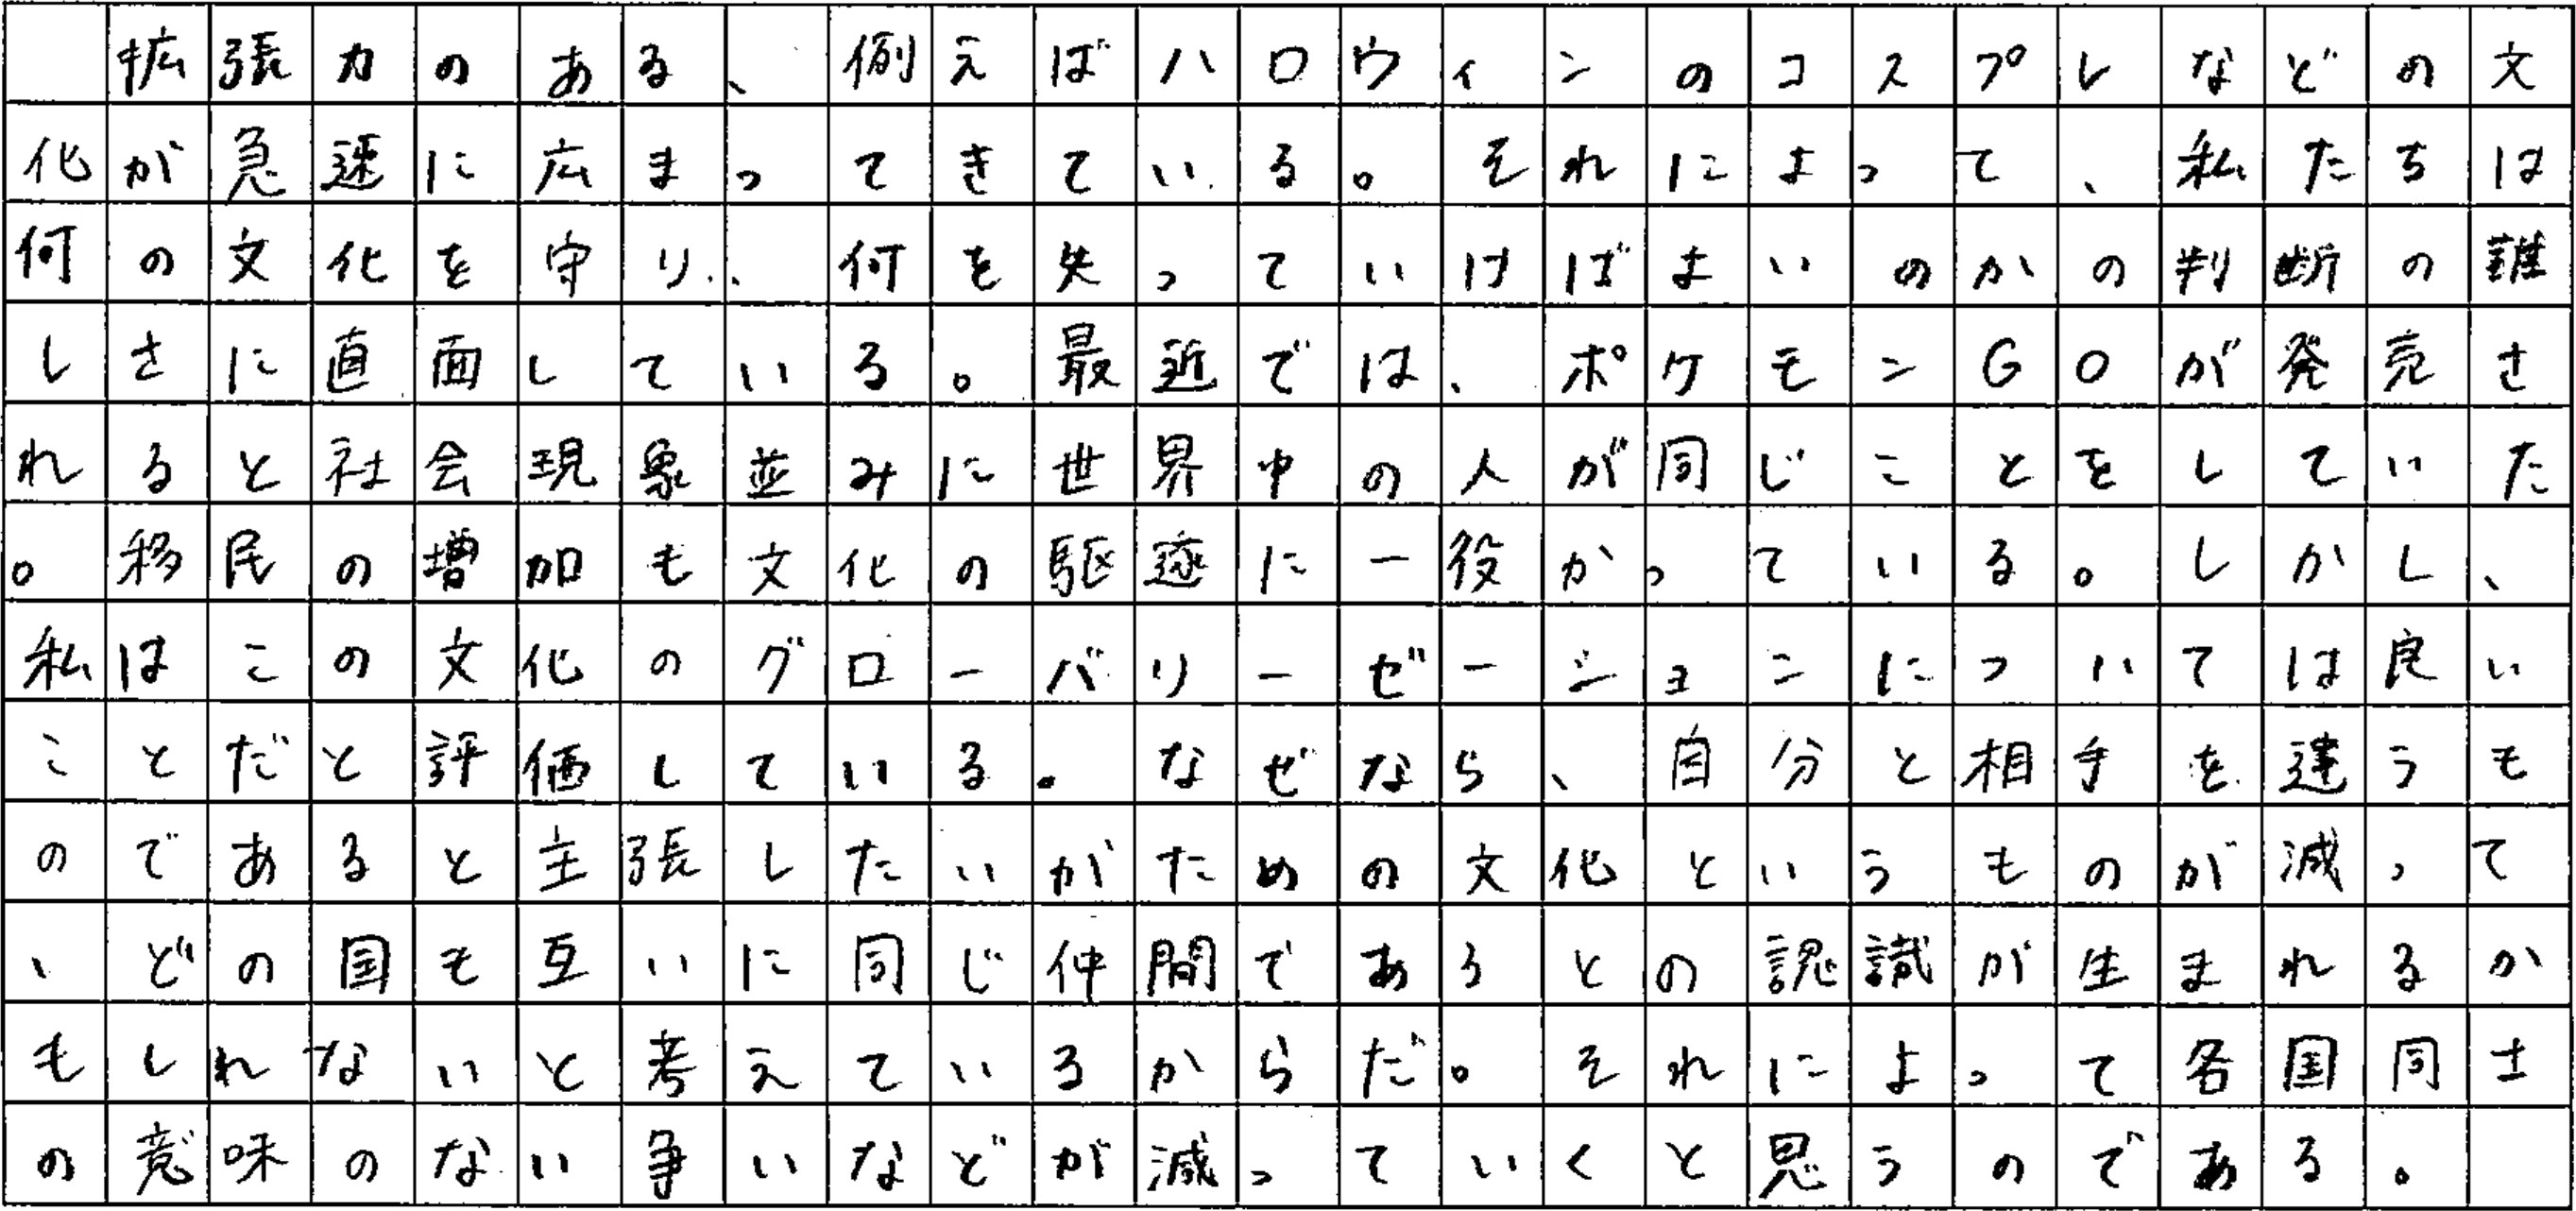　拡張力のある、例えばハロウィンのコスプレなどの文化が急速に広まってきている。それによって、私たちは何の文化を守り、何を失っていけばよいのかの判断の難しさに直面している。最近では、ポケモンGOが発売されると社会現象並みに世界中の人が同じことをしていた。移民の増加も文化の駆逐に一役かっている。しかし、私はこの文化のグローバリーゼーションについては良いことだと評価している。なぜなら、自分と相手を違うものであると主張したいがための文化というものが減って、どの国も互いに同じ仲間であるとの認識が生まれるかもしれないと考えているからだ。それによって各国同士の意味のない争いなどが減っていくと思うのである。
